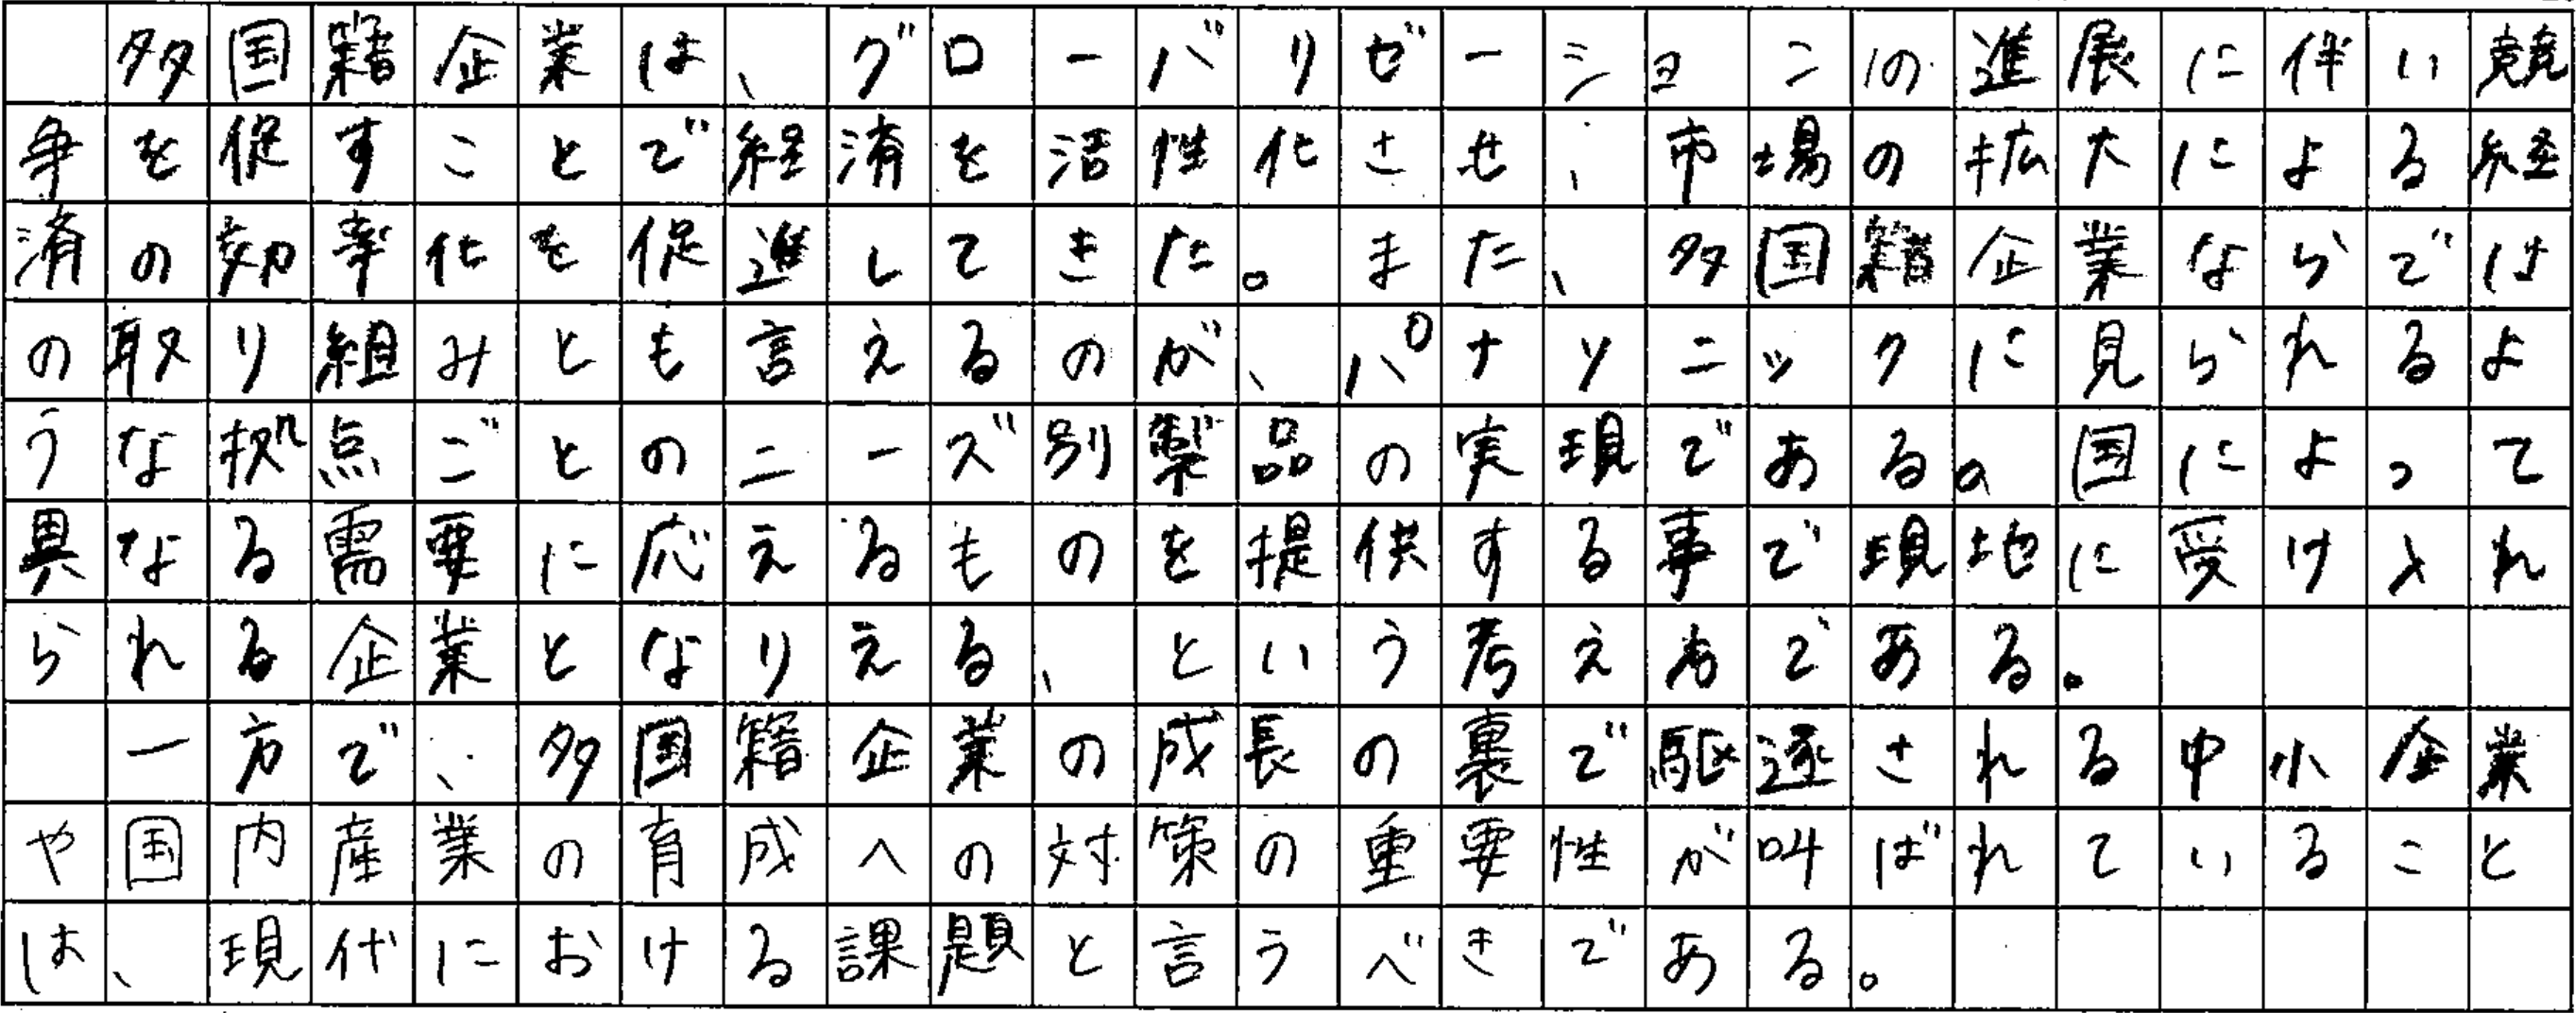　多国籍企業は、グローバリゼーションの進展に伴い競争を促すことで経済を活性化させ、市場の拡大による経済の効率化を促進してきた。また、多国籍企業ならではの取り組みとも言えるのが、パナソニックに見られるような拠点ごとのニーズ別製品の実現である。国によって異なる需要に応えるものを提供する事で現地に受け入れられる企業となりえる、という考え方である。
　一方で、多国籍企業の成長の裏で駆逐される中小企業や国内産業の育成への対策の重要性が叫ばれていることは、現代における課題と言うべきである。
